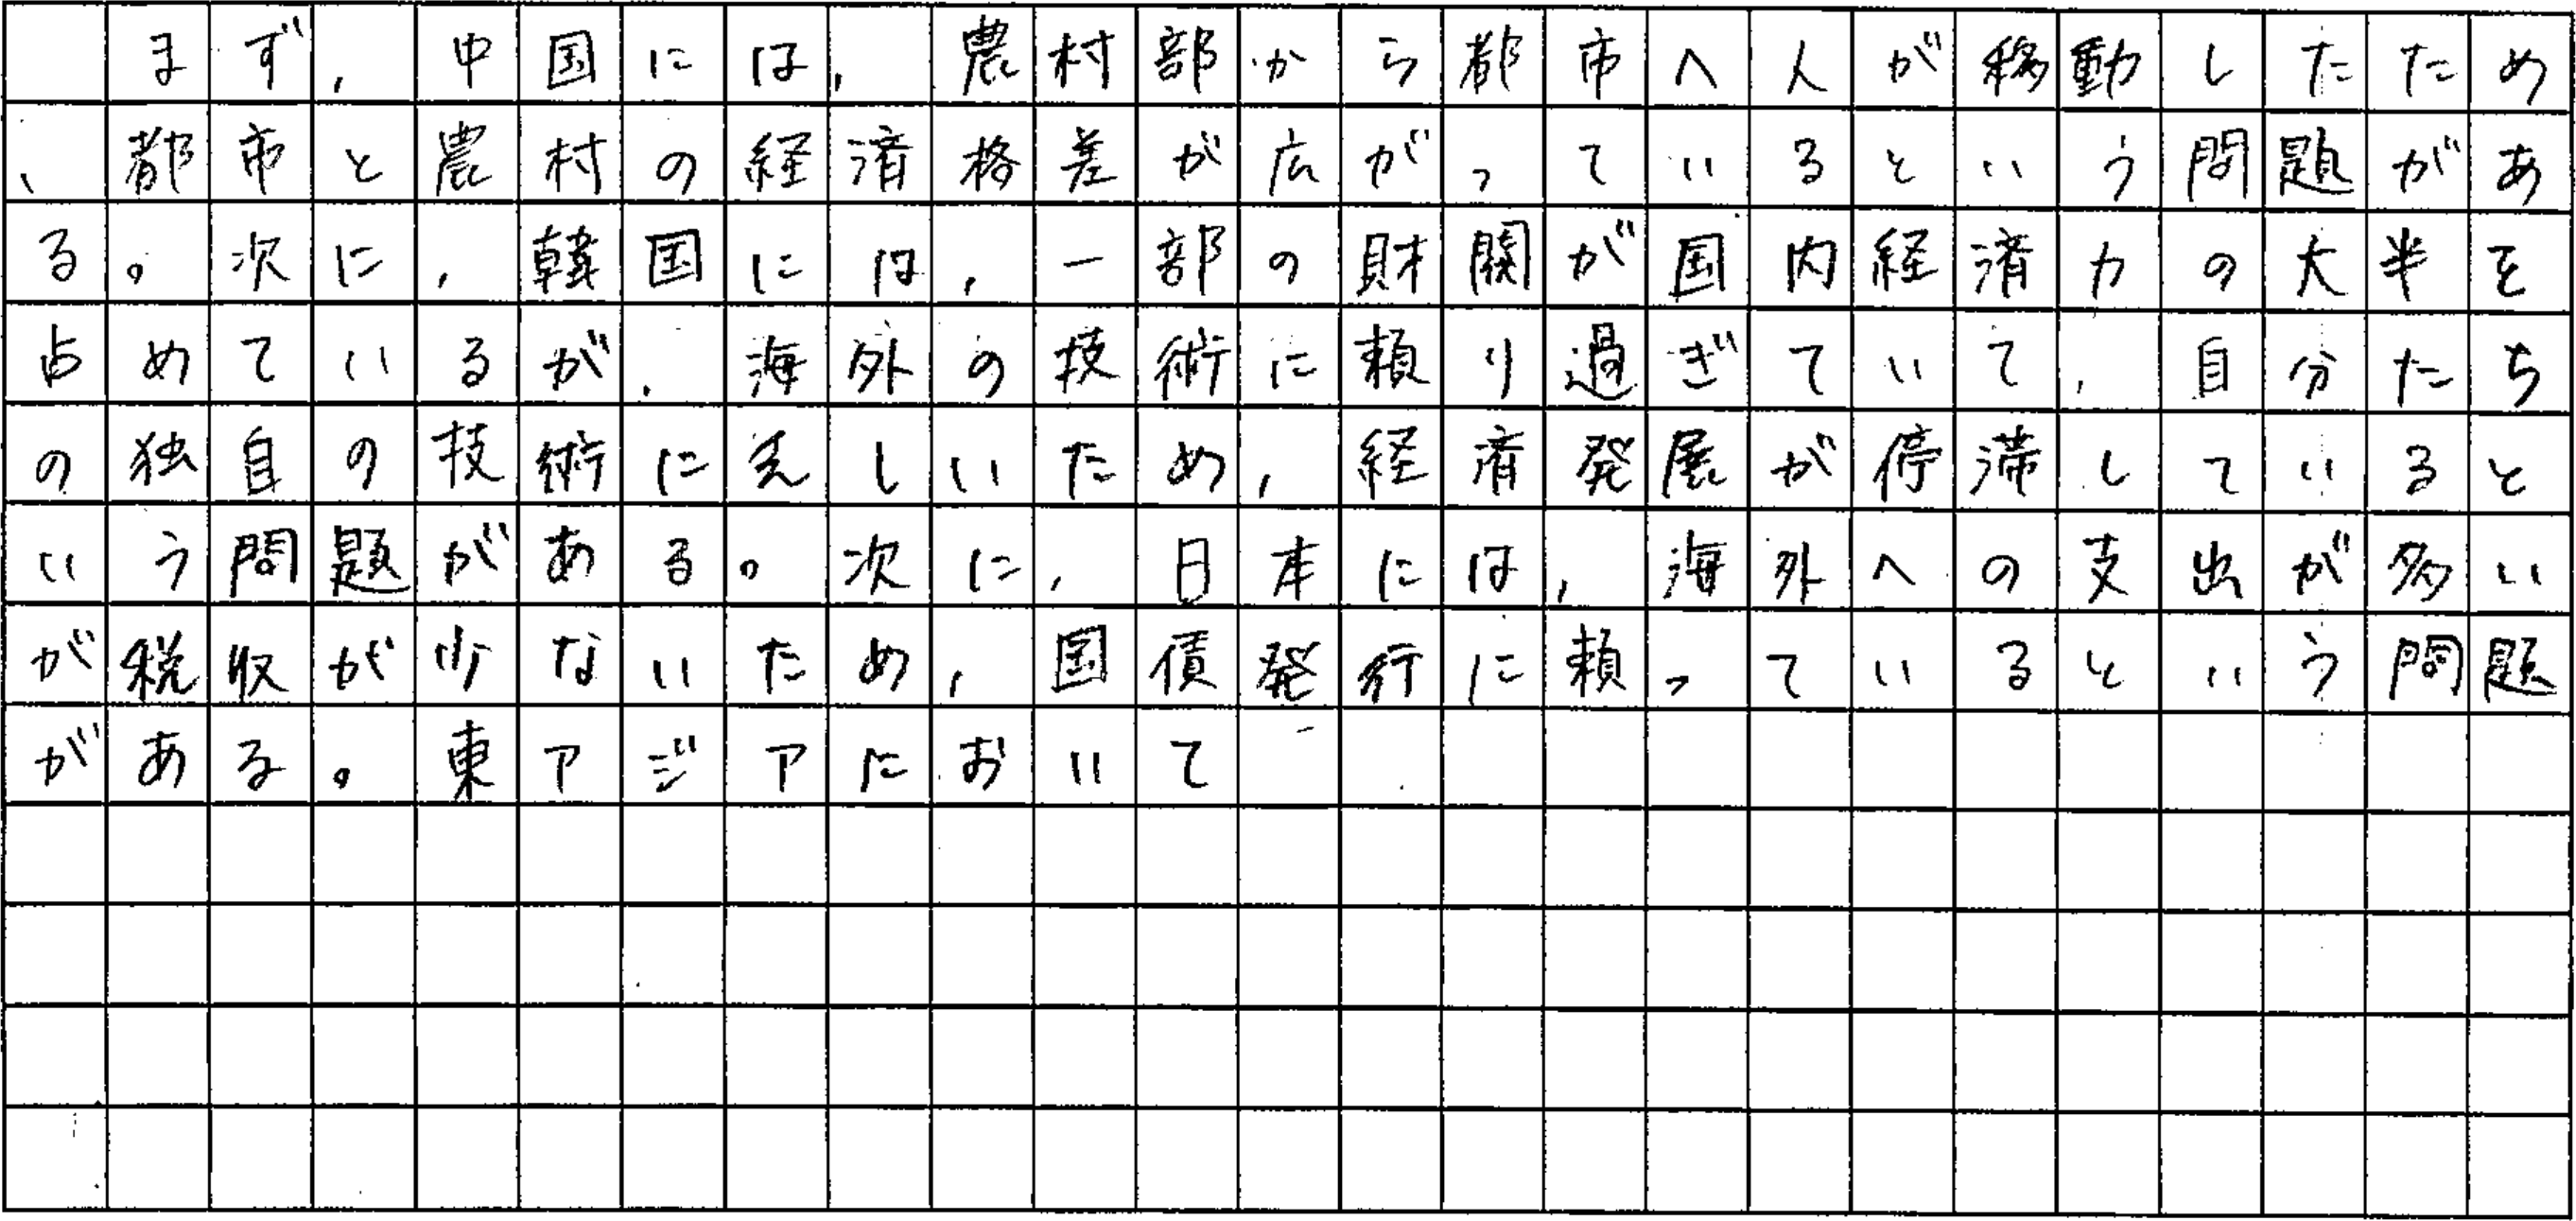　まず、中国には、農村部から都市へ人が移動したため、都市と農村の経済格差が広がっているという問題がある。次に、韓国には、一部の財閥が国内経済力の大半を占めているが、海外の技術に頼り過ぎていて、自分たちの独自の技術に乏しいため、経済発展が停滞しているという問題がある。次に、日本には、海外への支出が多いが税収が少ないため、国債発行に頼っているという問題がある。東アジアにおいて
